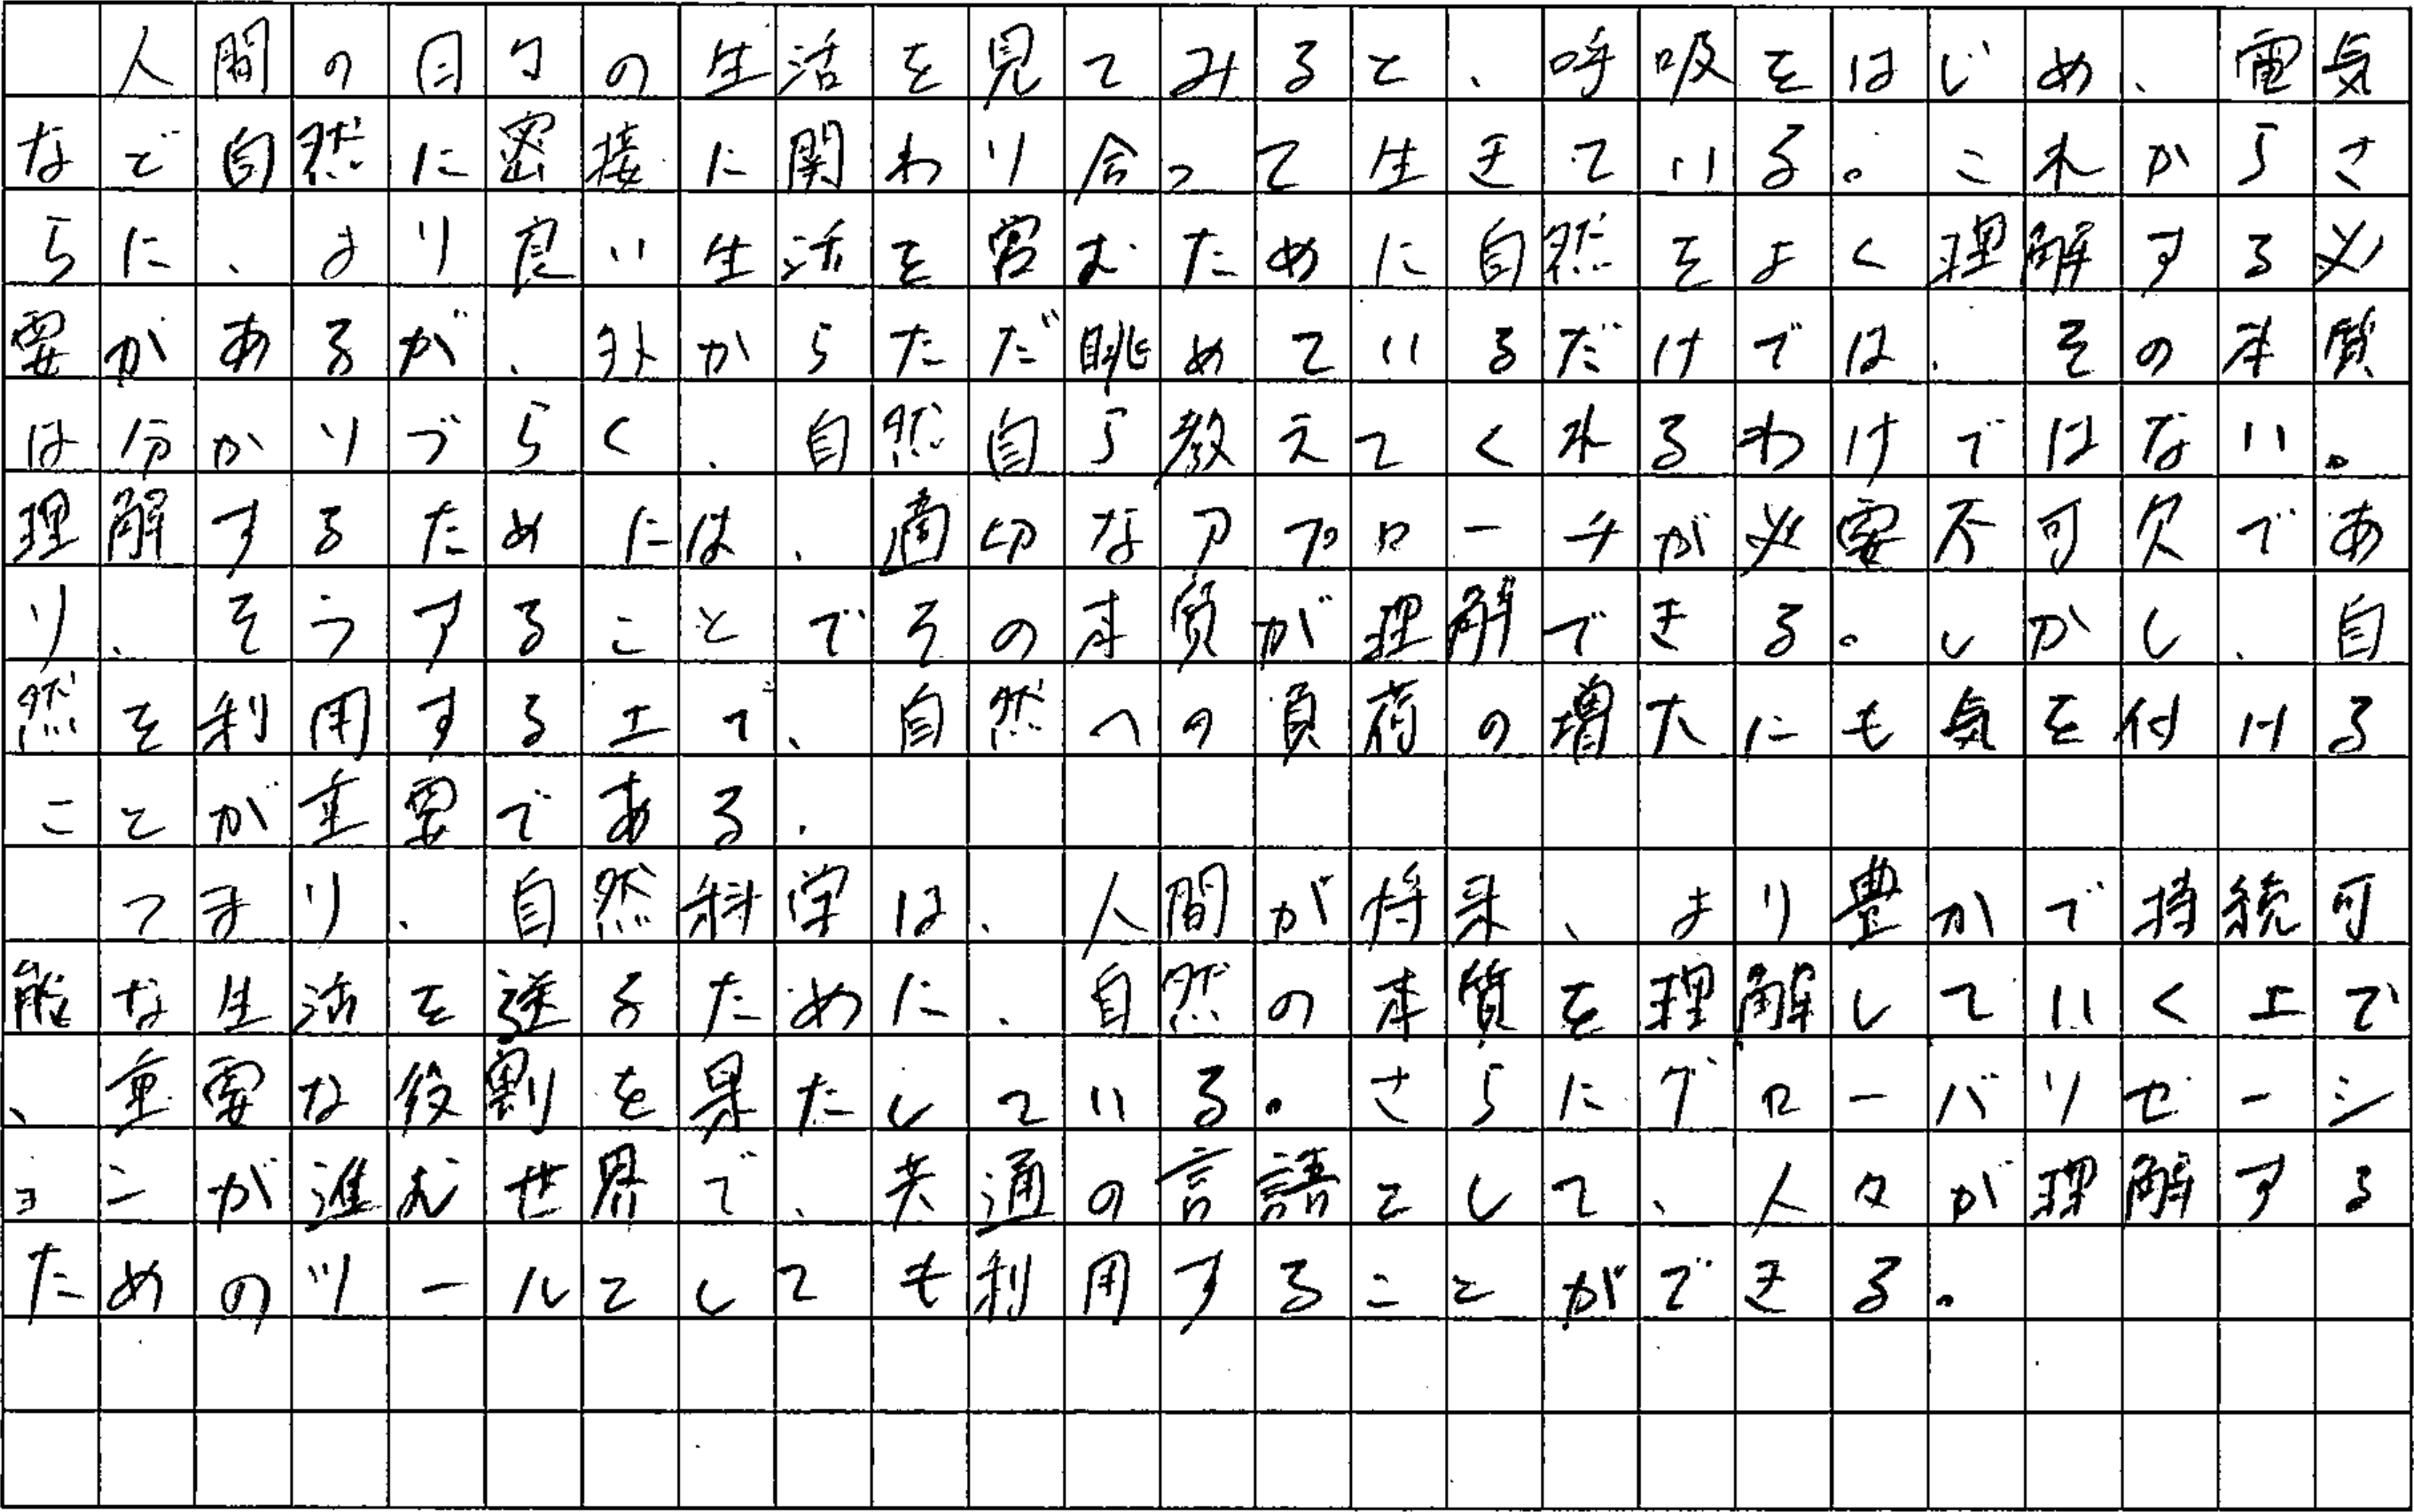　人間の日々の生活を見てみると、呼吸をはじめ、電気など自然に密接に関わり合って生きている。これからさらに、より良い生活を営むために自然をよく理解する必要があるが、外からただ眺めているだけでは、その本質は分かりづらく、自然自ら教えてくれるわけではない。理解するためには、適切なアプローチが必要不可欠であり、そうすることでその本質が理解できる。しかし、自然を利用する上で、自然への負荷の増大にも気を付けることが重要である。
　つまり、自然科学は、人間が将来、より豊かで持続可能な生活を送るために、自然の本質を理解していく上で、重要な役割を果たしている。さらにグローバリゼーションが進む世界で、共通の言語として、人々が理解するためのツールとしても利用することができる。
